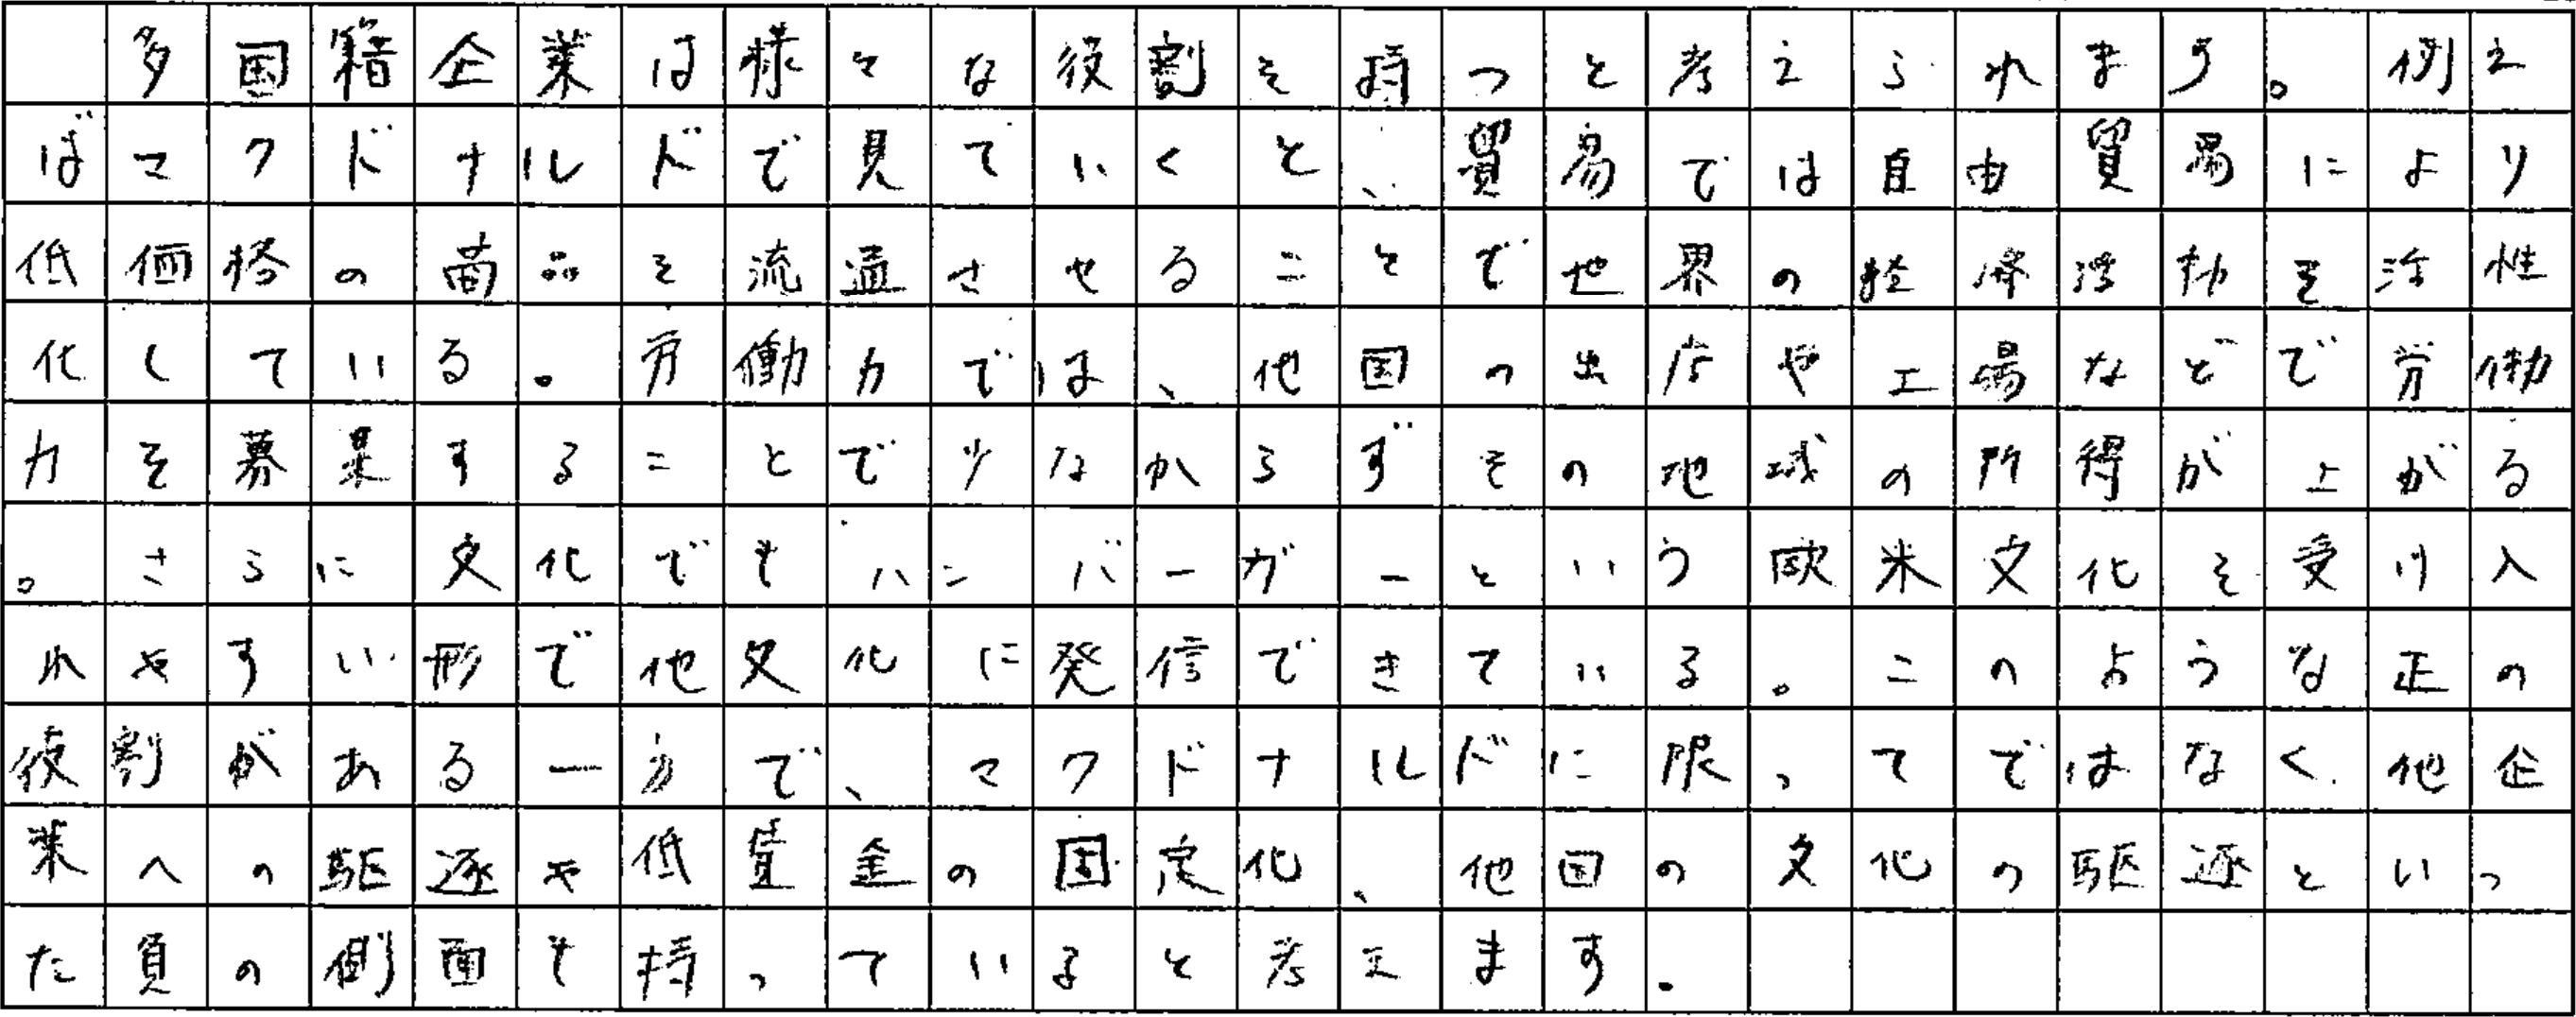　多国籍企業は様々な役割を持つと考えられます。例えばマクドナルドで見ていくと、貿易では自由貿易により低価格の商品を流通させることで世界の経済活動を活性化している。労働力では、他国の出店や工場などで労働力を募集することで少なからずその地域の所得が上がる。さらに文化でもハンバーガーという欧米文化を受け入れやすい形で他文化に発信できている。このような正の役割がある一方で、マクドナルドに限ってではなく他企業への駆逐や低賃金の固定化、他国の文化の駆逐といった負の側面を持っていると考えます。
